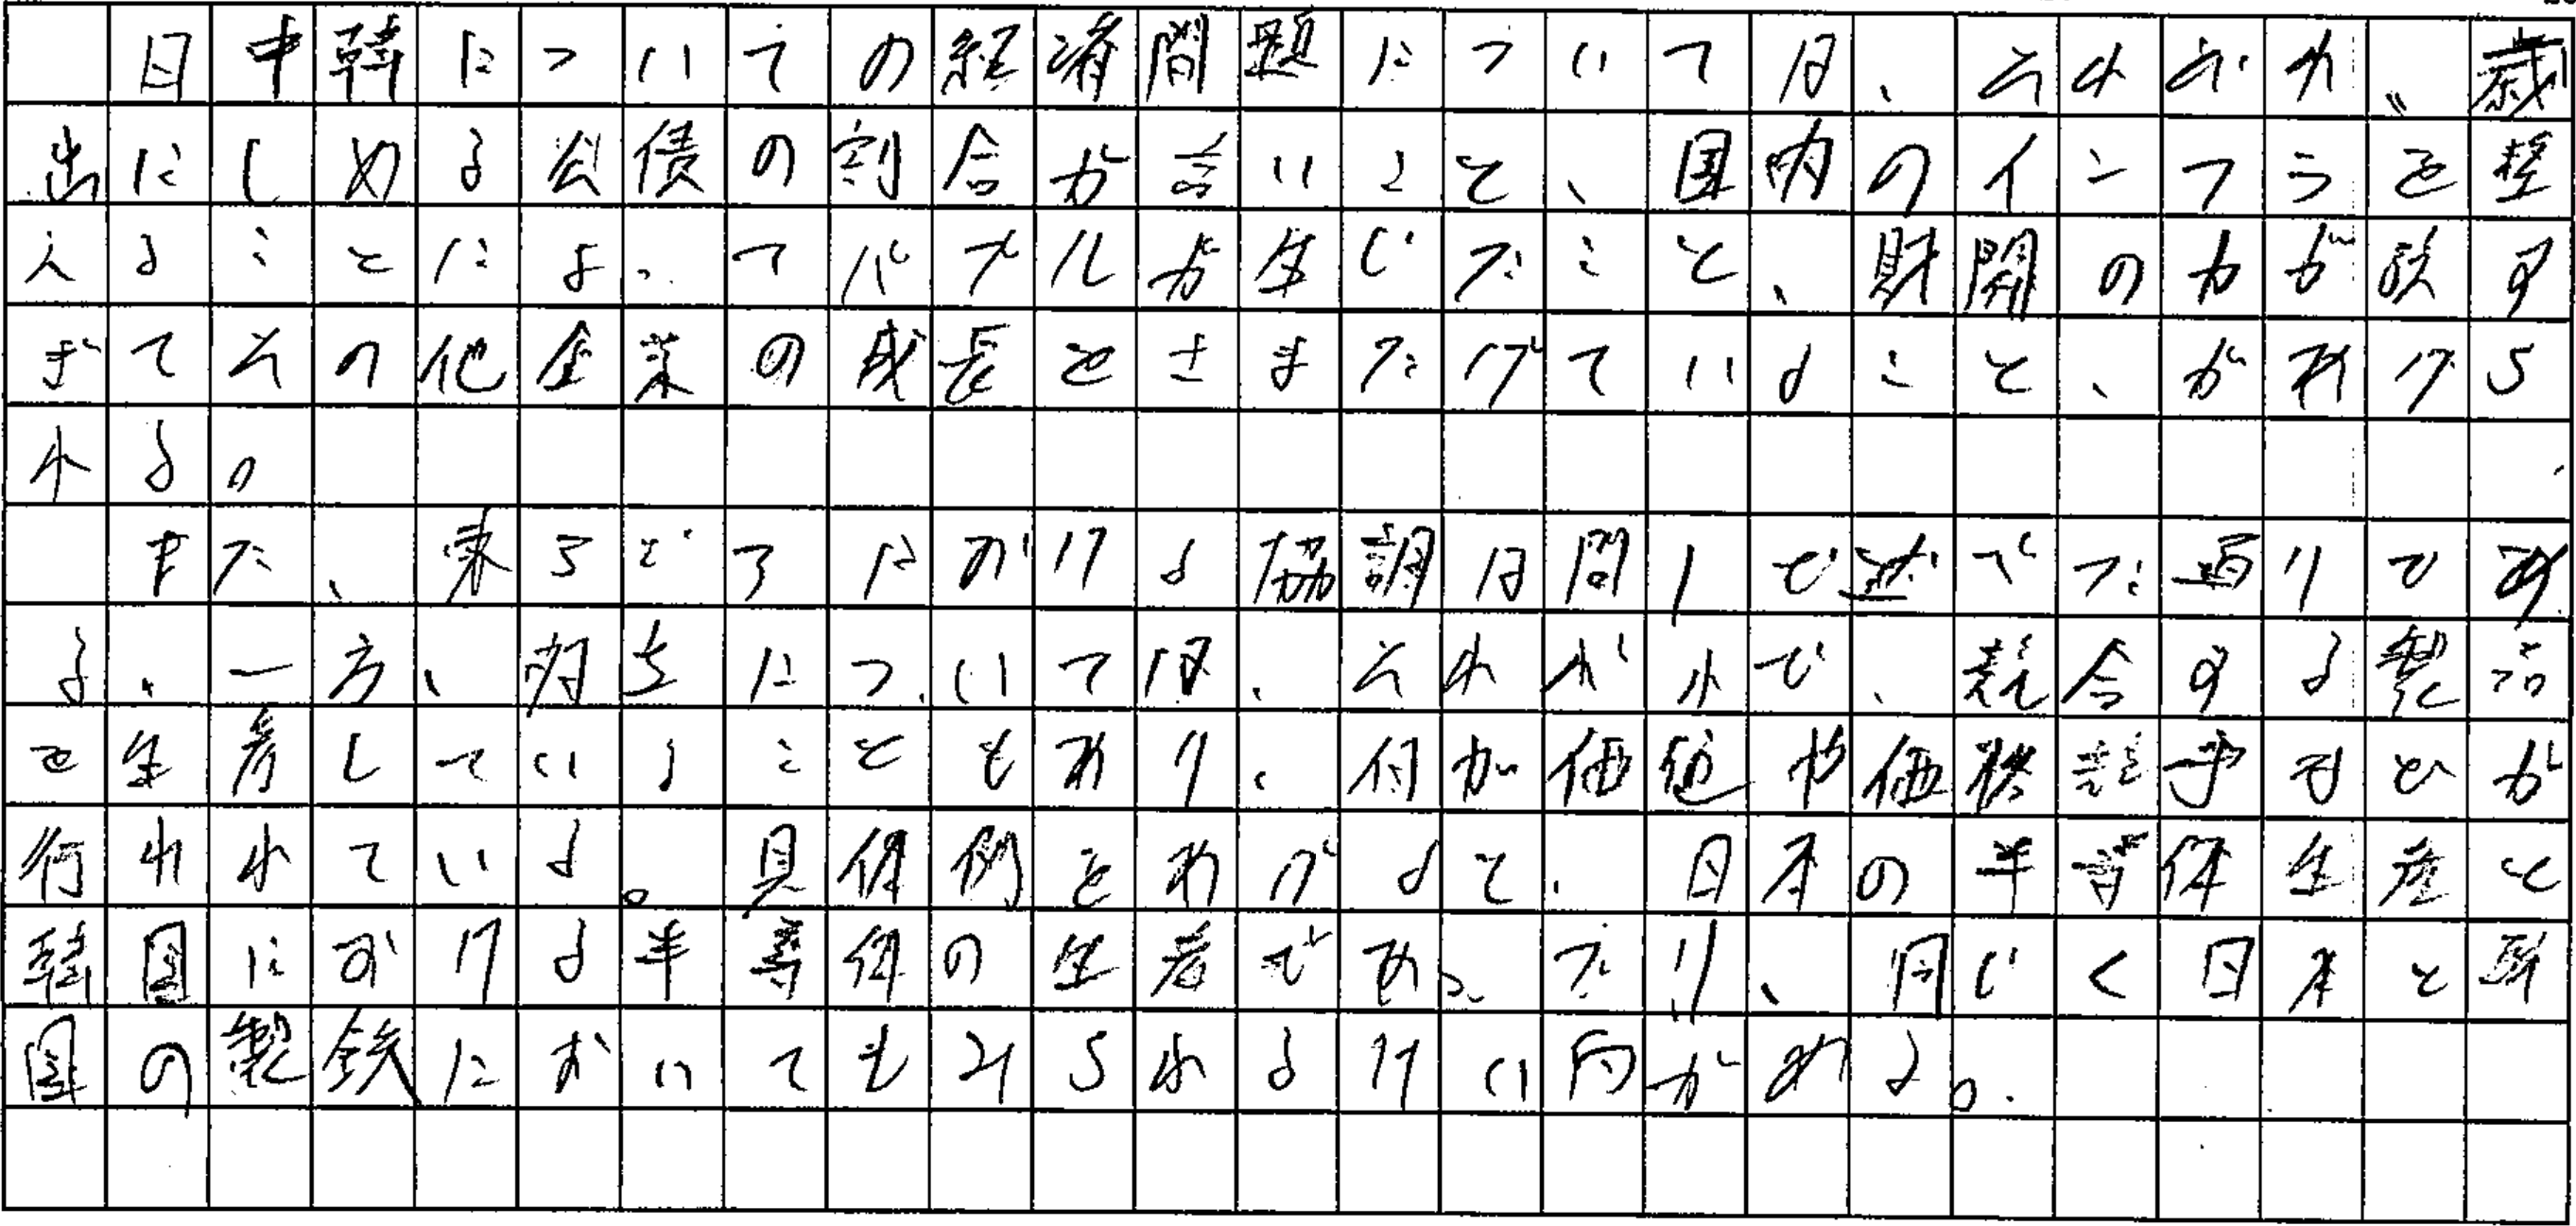　日中韓についての経済問題については、それぞれ、歳出にしめる公債の割合が▁いこと、国内のインフラを整えることによってバブルが生じたこと、財▁の力が▁すぎてその他企業の成長をさまたげていること、があげられる。
　また、東アジアにおける協調は問１で述べた通りである。一方、対▁については、それぞれで、競今する製品を生産していることもあり、付が価値や価格競争などが行れれている。具体例をあ▁ると、日本の半導体生産と韓国における半導体の生産であったり、同じく日本と韓国の製鉄においてもみられるけい向がある。
